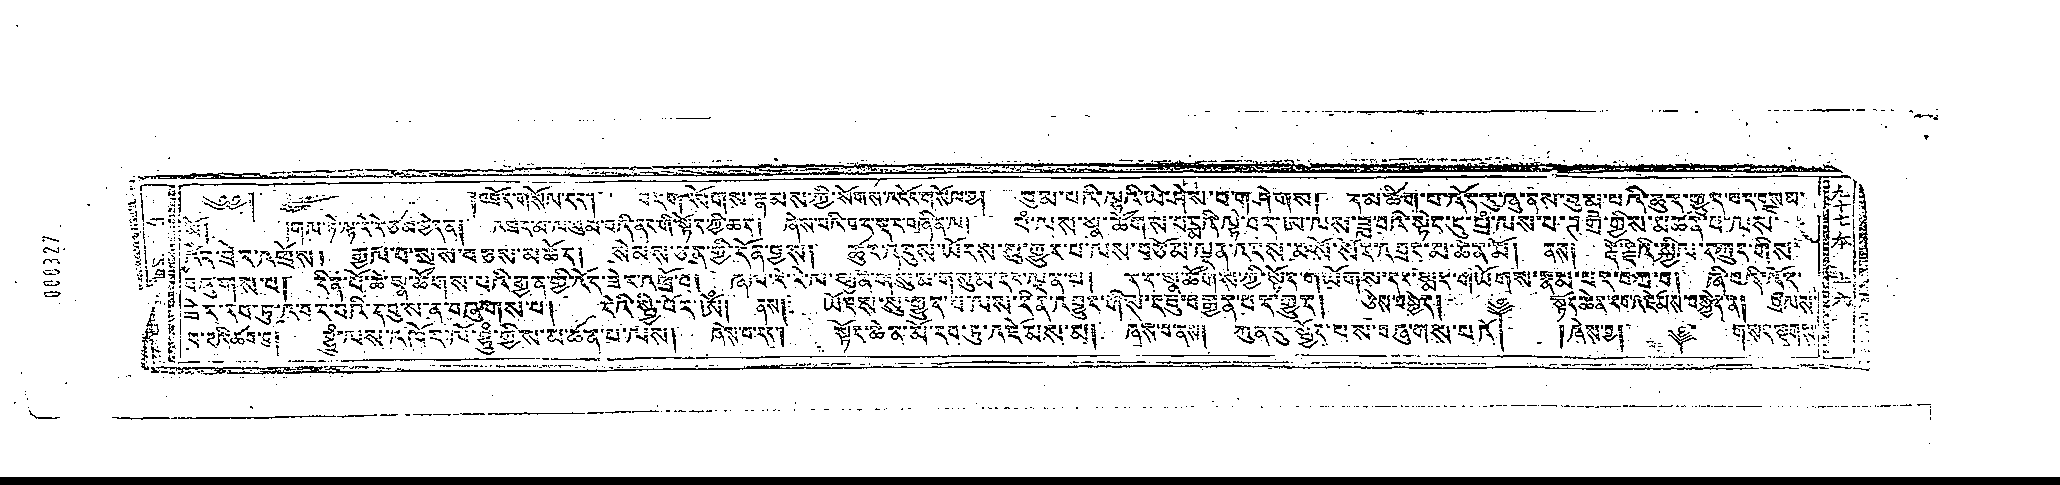༄༅། །བཟོད་གསོལ་དང་། བདག་སོགས་རྣམས་ཀྱི་སོགས་འདོད་གསོལ་བྱ། བུམ་པའི་ལྷའི་ཡེ་ཤེས་པ་གཤེགས། དམ་ཚིག་པ་འོད་དུ་ཞུ་ནས་བུམ་པའི་ཆུར་གྱུར་པར་བསམ་
མོ། །གལ་ཏེ་ལྷ་རེ་རེ་ཙམ་བྱེད་ན། འབྲང་མ་ལ་བུམ་པའི་ནང་གི་སྟོང་ཀྱི་ཆར། ཞེས་པའི་བར་སྔར་བཞིན་ལ། བཾ་ལས་སྣ་ཚོགས་པདམའི་ལྟེ་བར་ཨ་ལས་ཟླ་བའི་སྟེང་དུ་བྲཾ་ལས་པ་ཊ་བྲཾ་གྱིས་མཚན་པ་ལས་
འོད་ཟེར་འཕྲོས། རྒྱལ་བ་སྲས་བཅས་མཆོད། སེམས་ཅན་གྱི་དོན་བྱས། ཚུར་འདུས་ཡོངས་སུ་གྱུར་པ་ལས་བཅོམ་ལྡན་འདས་མ་སོ་སོར་འབྲང་མ་ཆེན་མོ། ནས། རྡོ་རྗེའི་སྐྱིལ་དཀྲུང་གིས་
བཞུགས་པ། རིན་པོ་ཆེ་སྣ་ཚོགས་པའི་རྒྱན་གྱི་འོད་ཟེར་འཕྲོ་བ། ཞལ་རེ་རེ་ལ་སྤྱན་གསུམ་གསུམ་དང་ལྡན་པ། དར་སྣ་ཚོགས་ཀྱི་སྟོད་གཡོགས་དང་སྨད་གཡོགས་རྣམ་པར་བཀྲ་བ། ཞི་བའི་འོད་
ཟེར་རབ་ཏུ་འབར་བའི་དབུས་ན་བཞུགས་པ། དེའི་སྤྱི་བོར་ཨོཾ། ནས། ཡོངས་སུ་གྱུར་པ་ལས་རིན་འབྱུང་གིས་དབུ་བརྒྱན་པར་གྱུར། ཅེས་བསྐྱེད། ༈ སྟོད་ཆེན་རབ་འཇོམས་བསྐྱེད་ན། བྲཾ་ལས་
པ་ཊའི་ཚབ་ཏུ། བྷྲུཾ་ལས་འཁོར་ལོ་བྷྲཾ་གྱིས་མཚན་པ་ལས། ཞེས་པ་དང་། སྟོང་ཆེན་མོ་རབ་ཏུ་འཇོམས་མ། ཞེས་པ་ནས། ཀུན་དུ་སྤྱོད་པས་བཞུགས་པའོ། །ཞེས་བྱ། ༈ གསང་སྔགས་